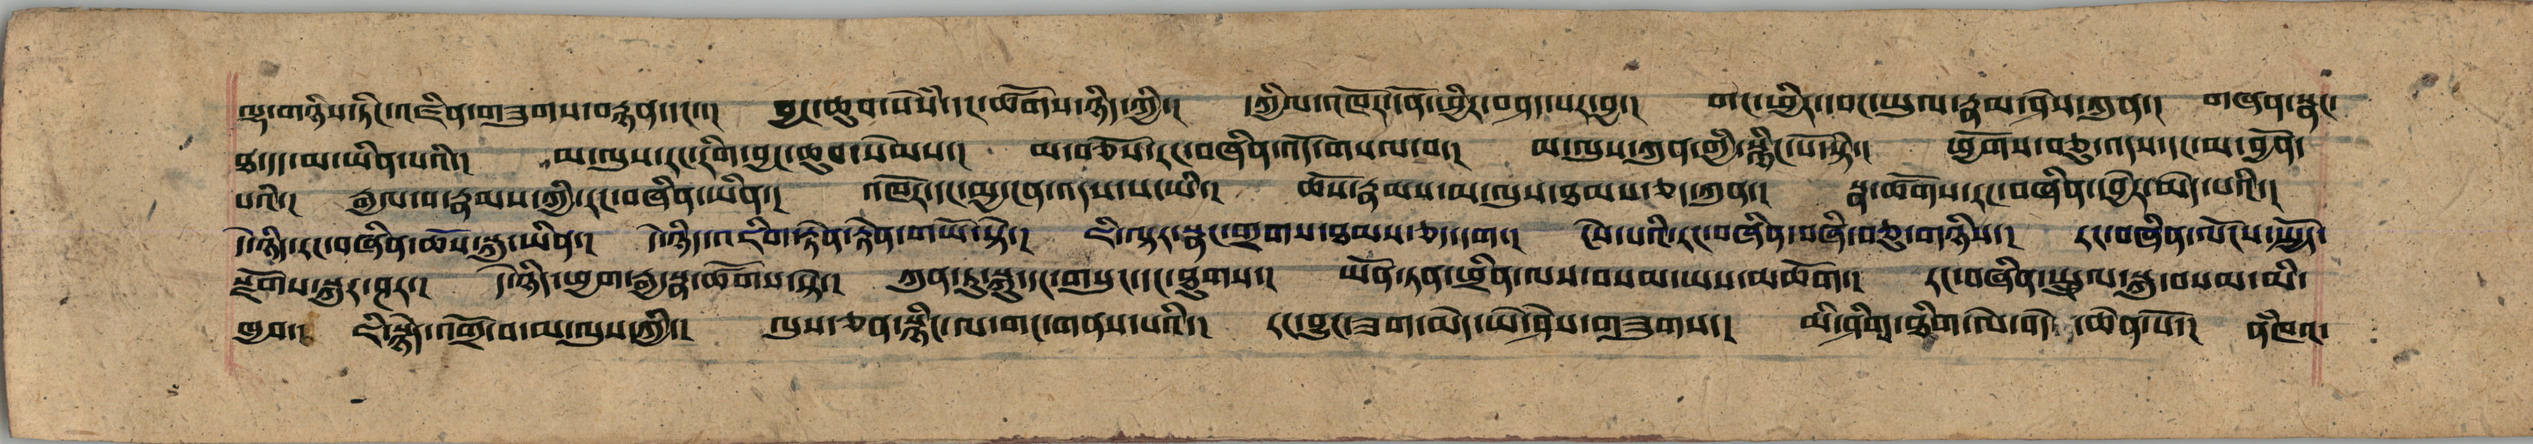ལྷ་གཉིས་ཏིང་འཛིན་གཟུགས་བརྙན་དང་་། བྱང་ཆུབ་སེཾས་དང་ཚོགས་ཉིད་ཀྱི་། དཀྱིལ་འཁོར་དོན་ཕྱིར་བཤད་པར་བྱ་། གང་ཕྱིར་དབང་ཡུལ་རྣམ་ཤེས་ཀུན་། གཞན་སྣང་
ཐ་དད་མ་ཡིན་པའི་། མ་ལུས་རང་རིག་བྱང་ཆུབ་སེམས་། མ་བཅོས་རང་བཞིན་འོད་གསལ་བ་། མ་ལུས་ཀུན་གྱི་སྙིང་པོ་སྟེ་། ཕྱོགས་བཅུ་འདས་དང་མ་བྱོན་
པའི་། རྒྱལ་པ་རྣམས་ཀྱི་རང་བཞིན་ཡིན་། འཁོར་དང་མྱ་ངན་འདས་པ་ཡི་། ཆོས་རྣམས་མ་ལུས་ཐམས་ཅད་ཀུན་། སྣ་ཚོགས་རང་བཞིན་དབྱེར་མེད་པའི་།
དེ་ཉིད་རང་བཞིན་ཆོས་སྐུ་ཡིན་། དེ་ཉིད་འཇིག་རྟེན་རྟེན་གཡོ་སྟེ་། ཇི་ལྟར་སྣང་གྲགས་ཐམས་ཅད་དག་། ངེས་པའི་རང་བཞིན་བཞི་བཅུ་གཉིས་། རང་བཞིན་ལོངས་སྤྱོད་
སྫོགས་སྐུར་ཤར་། དེ་ཉིད་ཕྱག་རྒྱ་སྣ་ཚོགས་སྟེ་། ཀུན་ཏུ་སྐུ་དང་གསུང་དང་ཐུགས་། ཡོན་ཏན་ཕྲིན་ལས་བསམ་ཡས་མཆོག་། རང་བཞིན་སྤྲུལ་སྐུ་བསམ་མི་
ཁྱབ་། ཇི་སྙེད་འགྲོ་བ་མ་ལུས་ཀྱི་། ལུས་ཅན་སྙིང་ལ་གང་གནས་པའི་། རང་བྱུང་ཟག་མེད་ཡེ་ཤེས་གཟུགས་། མི་ཤིག་ཐིག་ལེ་བདེ་ཆེན་པོ་། ནཾཁའ་